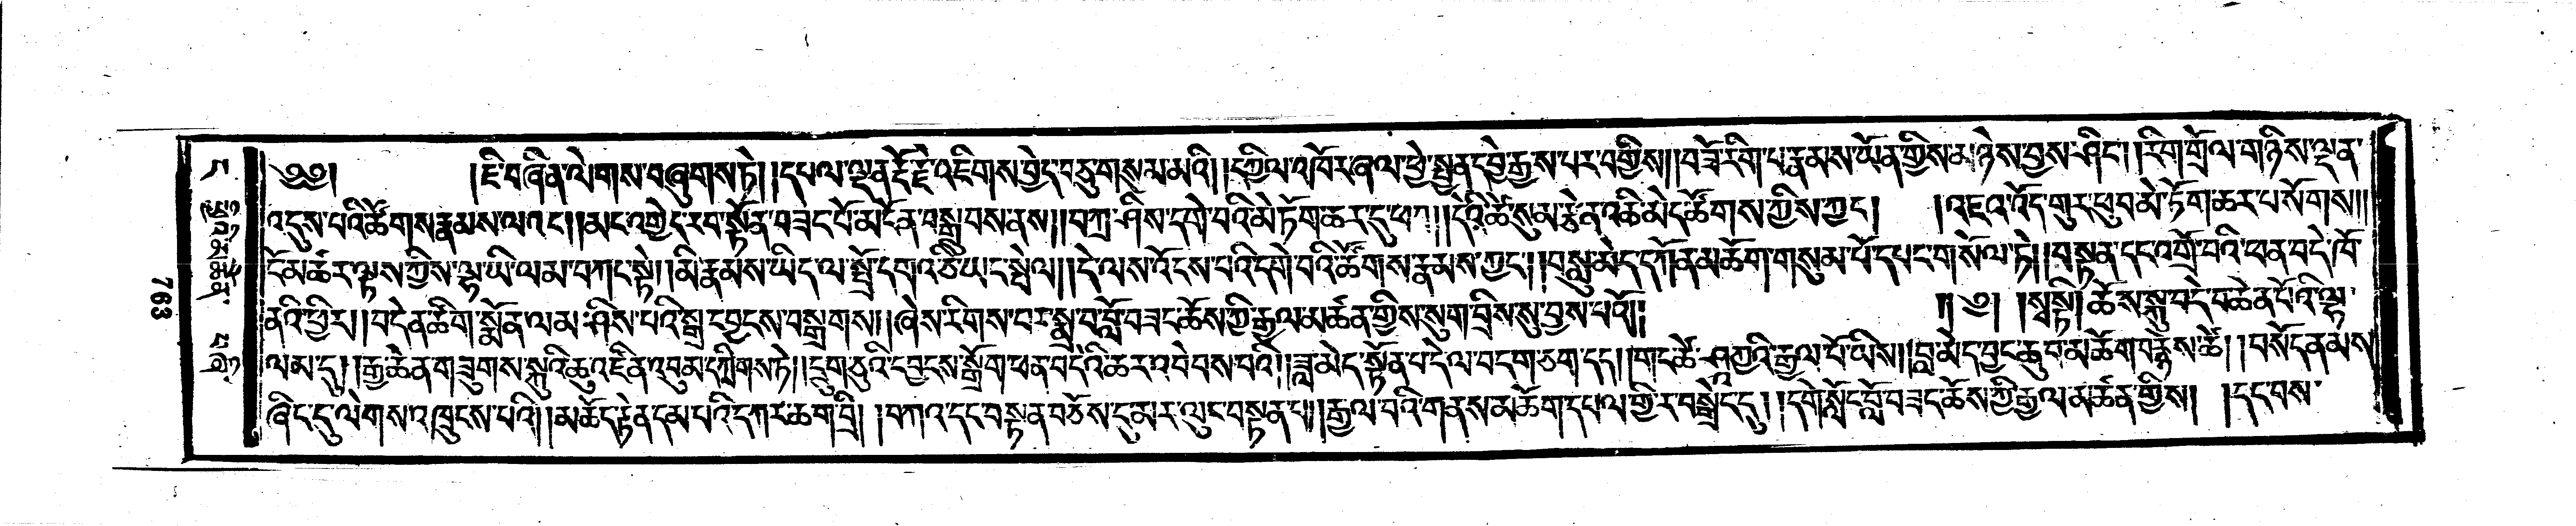༄༅། །ཇི་བཞིན་ལེགས་བཞུགས་ཏེ། །དཔལ་ལྡན་རྡོ་རྗེ་འཇིགས་བྱེད་བཅུ་གསུམ་མའི། །དཀྱིལ་འཁོར་ཞལ་ཕྱེ་སྤྱན་དབྱེ་རྒྱས་པར་བགྱིས། །བཟོ་རིག་པ་རྣམས་ཡོན་གྱིས་མཉེས་བྱས་ཤིང་། །རིག་གྲོལ་གཉིས་ལྡན་
འདུས་པའི་ཚོགས་རྣམས་ལའང་། །མང་འགྱེད་རབ་སྟོན་བཟང་པོ་མངོན་བསྒྲུབས་ནས། །བཀྲ་ཤིས་དགེ་བའི་མེ་ཏོག་ཆར་དུ་ཕབ། །དེའི་ཚེ་སུམ་རྩེན་འཆི་མེད་ཚོགས་ཀྱིས་ཀྱང་། །འཇའ་འོད་གུར་ཕུབ་མེ་ཏོག་ཆར་པ་སོགས། །
ངོ་མཚར་ལྷས་ཀྱིས་ལྷ་ཡི་ལམ་བཀང་སྟེ། །མི་རྣམས་ཡིད་ལ་སྤྲོ་དགའ་ཅི་ཡང་སྤེལ། །དེ་ལས་འོངས་པའི་དགེ་བའི་ཚོགས་རྣམས་ཀྱང་། །བསླུ་མེད་དཀོན་མཆོག་གསུམ་པོ་དཔང་གསོལ་ཏེ། །བསྟན་དང་འགྲོ་བའི་ཕན་བདེ་ཁོ་
ནའི་ཕྱིར། །བདེན་ཚིག་སྨོན་ལམ་ཤིས་པའི་སྒྲ་དབྱངས་བསྒྲགས། །ཞེས་རིགས་པར་སྨྲ་བ་བློ་བཟང་ཆོས་ཀྱི་རྒྱལ་མཚན་གྱིས་སུག་བྲིས་སུ་བྱས་པའོ།། །། ༄༅། །སྭསྟི། ཆོས་སྐུ་བདེ་བ་ཆེན་པོའི་ལྷ་
ལམ་དུ། །རྒྱ་ཆེན་གཟུགས་སྐུའི་ཆུ་འཛིན་འབུམ་དཀྲིགས་ཏེ། །དྲུག་ཅུའི་དབྱངས་སྒྲོག་ཕན་བདེའི་ཆར་འབེབས་པའི། །ཟླ་མེད་སྟོན་པ་དེ་ལ་བདག་ཅག་དད། །གང་ཚེ་ཤཱཀྱའི་རྒྱལ་པོ་ཡིས། །བླ་མེད་བྱང་ཆུབ་མཆོག་བརྙེས་ཚེ། །བསོད་ནམས་
ཞིང་དུ་ལེགས་འཁྲུངས་པའི། །མཆོད་རྟེན་དམ་པའི་དཀར་ཆག་བྲི། །བཀའ་དང་བསྟན་བཅོས་དུ་མར་ལུང་བསྟན་པ། །རྒྱལ་བའི་གནས་མཆོག་དཔལ་གྱི་ར་བསྒྲེང་དུ། །དགེ་སློང་བློ་བཟང་ཆོས་ཀྱི་རྒྱལ་མཚན་གྱིས། །དང་བས་